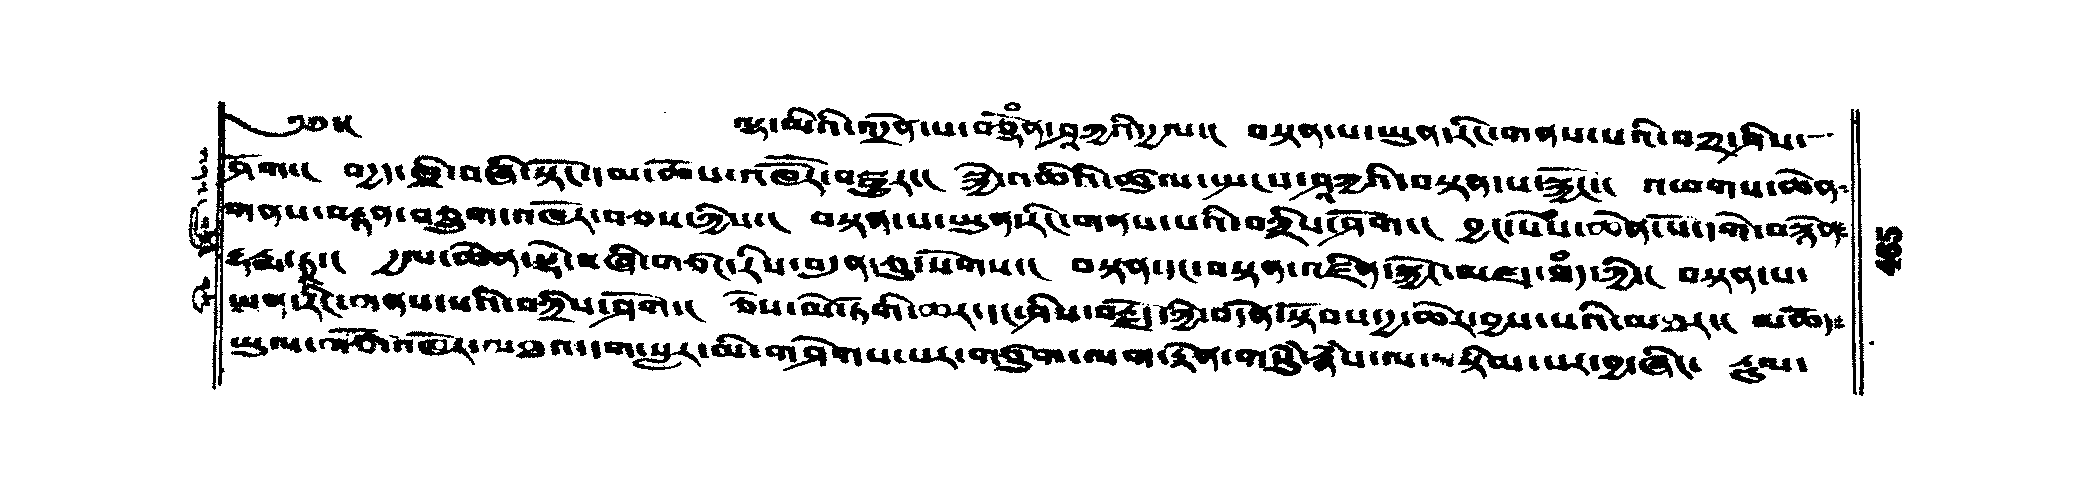ལྷ་མིའི་འདྲེན་པ་བཅོམ་ལྡན་ཤཱཀྱའི་རྒྱལ། །བསྟན་པ་ཡུན་རིང་གནས་པའི་བཀྲ་ཤིས་
ཤོག །བརྒྱད་ཁྲི་བཞི་སྟོང་དམ་ཆོས་འཁོར་ལོ་བསྒྱུར། །སྐྱེ་འཆིའི་ཚུལ་སྤངས་ཤཱཀྱའི་བསྟན་པ་སྐྱོང་། །འཕགས་ཆེན་
གནས་བརྟན་བཅུ་དྲུག་འཁོར་བཅས་ཀྱིས། །བསྟན་པ་ཡུན་རིང་གནས་པའི་བཀྲ་ཤིས་ཤོག །བྱང་སེམས་ཆེན་པོ་དགེ་བསྙེན་
དྷརྨ་ཏཱ། །རྒྱལ་ཆེན་སྡེ་བཞི་གཙང་རིས་བདུན་ཅུ་སོགས། །བསྟན་དང་བསྟན་འཛིན་སྐྱོང་མཛད་ཐམས་ཅད་ཀྱི། །བསྟན་པ་
ཡུན་རིང་གནས་པའི་བཀྲ་ཤིས་ཤོག ཅེས་མེ་ཏོག་གི་ཆར་དང་ཤིས་བརྗོད་ཀྱི་བདེན་སྟོབས་རྒྱ་ཆེར་བྱས་པའི་མཐར། མཆོད་
ཡུལ་གཙོ་འཁོར་མཐའ་དག་སླར་མི་གཤེགས་པར་གཙུག་ལག་རྟེན་གསུམ་རྣམས་ལ་བསྟིམ་པར་བྱ་ཞིང་། རྡུལ་